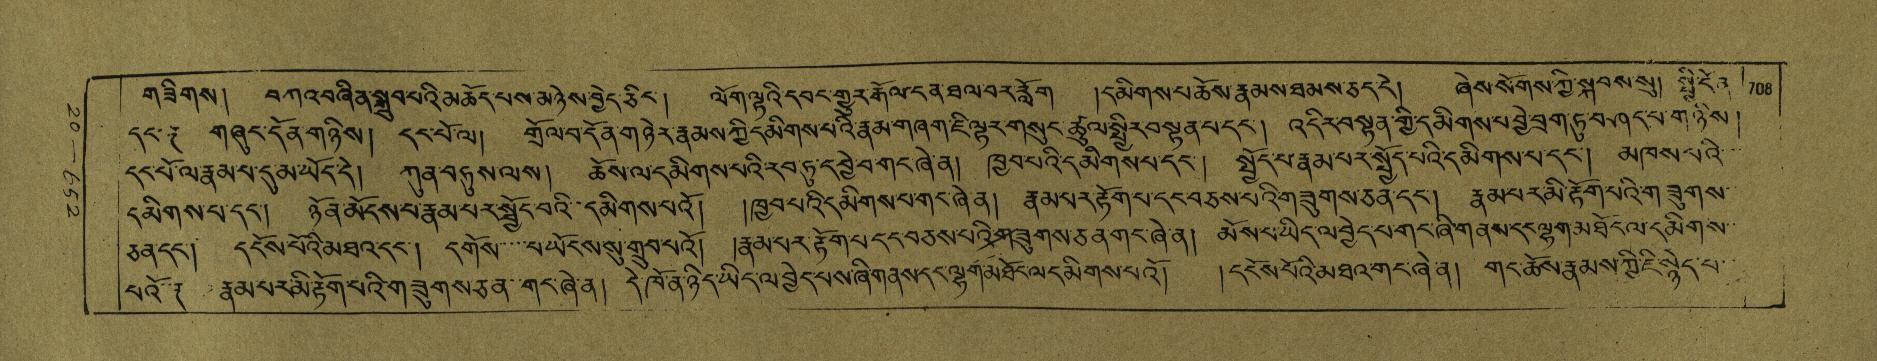གཟིགས། བཀའ་བཞིན་སྒྲུབ་པའི་མཆོད་པས་མཉེས་བྱེད་ཅིང་། ལོག་ལྟའི་དབང་གྱུར་རྒོལ་ངན་ཐལ་བར་རློག །དམིགས་པ་ཆོས་རྣམས་ཐམས་ཅད་དེ། ཞེས་སོགས་ཀྱི་སྐབས་སུ། སྤྱི་དོན་
དང༑ གཞུང་དོན་གཉིས། དང་པོ་ལ། གྲོལ་བ་དོན་གཉེར་རྣམས་ཀྱི་དམིགས་པའི་རྣམ་གཞག་ཇི་ལྟར་གསུང་ཚུལ་སྤྱིར་བསྟན་པ་དང་། འདིར་བསྟན་གྱི་དམིགས་པ་བྱེ་བྲག་ཏུ་བཤད་པ་གཉིས།
དང་པོ་ལ་རྣམ་པ་དུ་མ་ཡོད་དེ། ཀུན་བཏུས་ལས། ཆོས་ལ་དམིགས་པའི་རབ་ཏུ་དབྱེ་བ་གང་ཞེ་ན། ཁྱབ་པའི་དམིགས་པ་དང་། སྤྱོད་པ་རྣམ་པར་སྤྱོད་པའི་དམིགས་པ་དང་། མཁས་པའི་
དམིགས་པ་དང་། ཉོན་མོངས་པ་རྣམ་པར་སྦྱོང་བའི་དམིགས་པའོ། །ཁྱབ་པའི་དམིགས་པ་གང་ཞེ་ན། རྣམ་པར་རྟོག་པ་དང་། བཅས་པའི་གཟུགས་ཅན་དང་། རྣམ་པར་མི་རྟོག་པའི་གཟུགས་
ཅན་དང་། དངོས་པོའི་མཐའ་དང་། དགོས་པ་ཡོངས་སུ་གྲུབ་པའོ། །རྣམ་པར་རྟོག་པ་དང་བཅས་པའི་གཟུགས་ཅན་གང་ཞེ་ན། མོས་པ་ཡིད་ལ་བྱེད་པ་གང་ཞིག་ནས་དང་ལྷག་མཐོང་ལ་དམིགས་
པའོ༑ རྣམ་པར་མི་རྟོག་པའི་གཟུགས་ཅན་གང་ཞེ་ན། དེ་ཁོ་ན་ཉིད་ཡིད་ལ་བྱེད་པས་ཞི་གནས་དང་ལྷག་མཐོང་ལ་དམིགས་པའོ། །དངོས་པོའི་མཐའ་གང་ཞེ་ན། གང་ཆོས་རྣམས་ཀྱི་ཇི་སྙེད་པ་